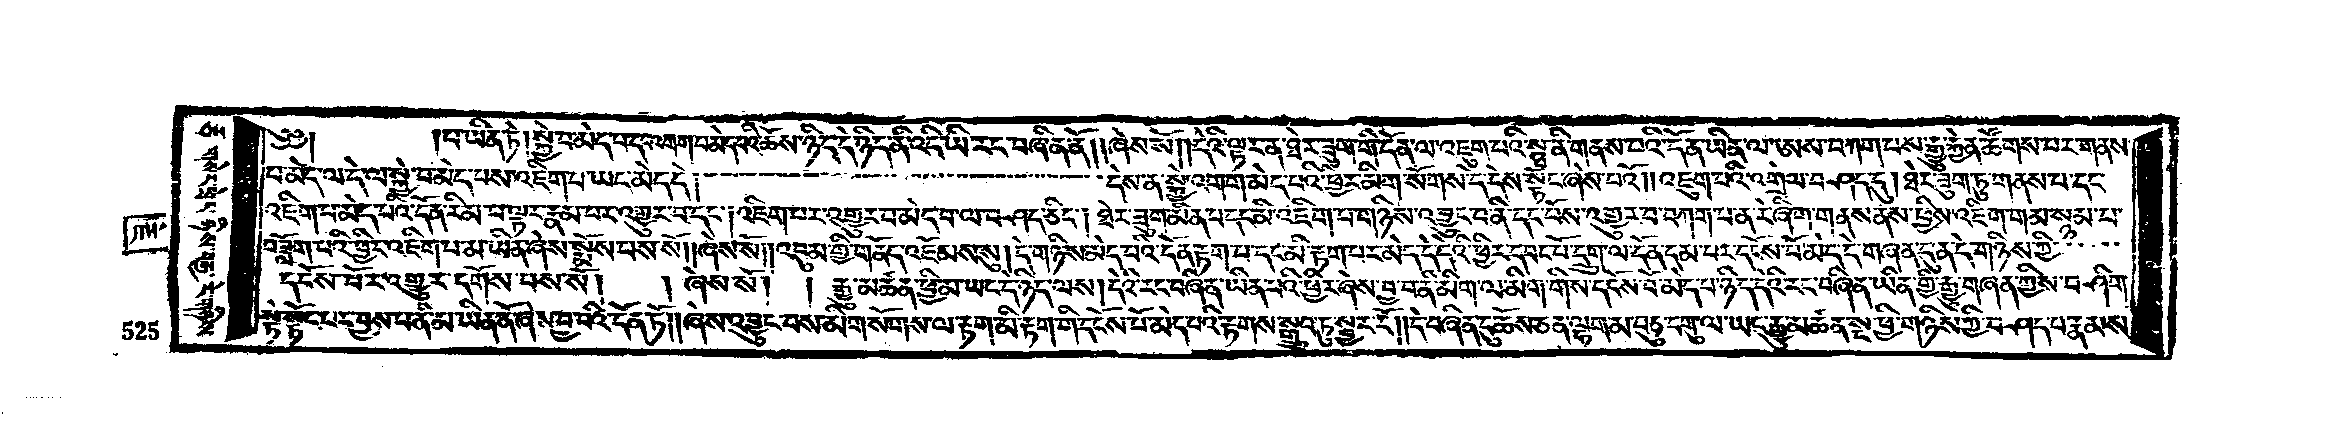༄༅། །པ་ཡིན་ཏེ། སྐྱེ་བ་མེད་པ་དང་འགག་པ་མེད་པའི་ཆོས་ཉིད་དེ་ཉིད་ནི་འདི་ཡི་རང་བཞིན་ནོ། །ཞེས་སོ། །དེའི་ལྟར་ན་ཐེར་ཟུག་གི་དོན་ལ་འཇུག་པའི་སྠ་ནི་གནས་པའི་དོན་ཡིན་ལ་ཨས་བཀག་པས་རྒྱུ་རྐྱེན་ཚོགས་པར་གནས་
པ་མེད་ལ་དེ་ལ་སྐྱེ་བ་མེད་པས་འཇིག་པ་ཡང་མེད་དེ། དེས་ན་སྐྱེ་འགག་མེད་པའི་ཕྱིར་མིག་སོགས་དེ་དེས་སྟོང་ཞེས་པའོ། །འཇུག་པའི་འགྲེལ་བཤད་དུ། ཐེར་ཟུག་ཏུ་གནས་པ་དང་
འཇིག་པ་མེད་པའི་དོན་རིམ་པ་ལྟར་རྣམ་པར་འགྱུར་བ་དང་། འཇིག་པར་འགྱུར་པ་མེད་པ་ལ་བཤད་ཅིང་། ཐེར་ཟུག་མིན་པ་དང་མི་འཇིག་པ་གཉིས་འབྱུང་བ་ནི་དང་པོས་འགྱུར་པ་བཀག་པ་ན་རེ་ཞིག་གནས་ནས་ཕྱིས་འཇིག་གམ་སྙམ་པ་
བཟློག་པའི་ཕྱིར་འཇིག་པ་མ་ཡིན་ཞེས་སྨོས་པས་སོ། །ཞེས་སོ། །འབུམ་གྱི་གནོད་འཇོམས་སུ། དེ་གཉིས་མེད་པའི་དོན་རྟག་པ་དང་མི་རྟག་པར་མེད་དེ་དེའི་ཕྱིར་དབང་པོ་དྲུག་ལ་དོན་དམ་པར་དངོས་པོ་མེད་དེ་གཞན་དུན་དེ་གཉིས་ཀྱི་
དངོས་པོར་འགྱུར་དགོས་པས་སོ། །ཞེས་སོ། །རྒྱུ་མཚན་ཕྱི་མ་ཡང་དེ་ཉིད་ལས། དེའི་རང་བཞིན་ཡིན་པའི་ཕྱིར་ཞེས་བྱ་བ་ནི་མིག་ལ་མིག་གིས་དངོས་པོ་མེད་པ་ཉིད་དེའི་རང་བཞིན་ཡིན་གྱི་རྒྱུ་གཞན་གྱིས་བཤིག་
སྟེ་སྟོང་པར་བྱས་པ་ནི་མ་ཡིན་ནོ་ཞེས་བྱ་བའི་དོན་ཏོ། །ཞེས་འབྱུང་བས་མིག་སོགས་ལ་རྟག་མི་རྟག་གི་དངོས་པོ་མེད་པའི་རྟགས་སྒྲུབ་ཏུ་སྦྱར་རོ། །དེ་བཞིན་དུ་ཆོས་ཅན་ལྷག་མ་བཅུ་དགུ་ལ་ཡང་རྒྱུ་མཚན་སྔ་ཕྱི་གཉིས་ཀྱི་བཤད་པ་རྣམས་